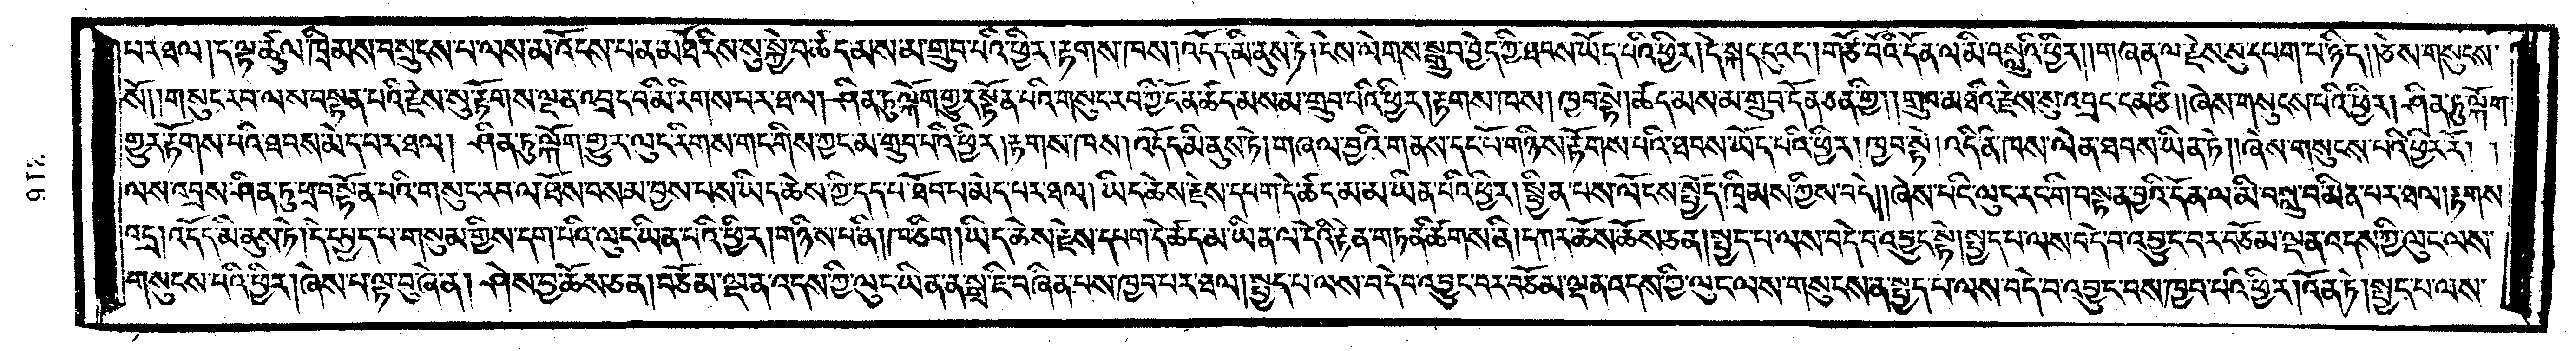པར་ཐལ། ད་ལྟ་ཚུལ་ཁྲིམས་བསྲུངས་པ་ལས་མ་འོངས་པ་ན་མཐོ་རིས་སུ་སྐྱེ་བ་ཚད་མས་མ་གྲུབ་པའི་ཕྱིར། རྟགས་ཁས། འདོད་མི་ནུས་ཏེ། ངེས་ལེགས་སྒྲུབ་བྱེད་ཀྱི་ཐབས་ཡོད་པའི་ཕྱིར། དེ་སྐད་དུའང་། གཙོ་བོའི་དོན་ལ་མི་བསླུའི་ཕྱིར། །གཞན་ལ་རྗེས་སུ་དཔག་པ་ཉིད། །ཅེས་གསུངས་
སོ། །གསུང་རབ་ལས་བསྟན་པའི་རྗེས་སུ་རྟོགས་ལྡན་འབྲང་བ་མི་རིགས་པར་ཐལ། ཤིན་ཏུ་ལྐོག་གྱུར་སྟོན་པའི་གསུང་རབ་ཀྱི་དོན་ཚད་མས་མ་གྲུབ་པའི་ཕྱིར། རྟགས་ཁས། ཁྱབ་སྟེ། ཚད་མས་མ་གྲུབ་དོན་ཅན་གྱི། །གྲུབ་མཐའི་རྗེས་སུ་འབྲང་ངམ་ཅི། །ཞེས་གསུངས་པའི་ཕྱིར། ཤིན་ཏུ་ལྐོག་
གྱུར་རྟོགས་པའི་ཐབས་མེད་པར་ཐལ། ཤིན་ཏུ་ལྐོག་གྱུར་ལུང་རིགས་གང་གིས་ཀྱང་མ་གྲུབ་པའི་ཕྱིར། རྟགས་ཁས། འདོད་མི་ནུས་ཏེ། གཞལ་བྱའི་གནས་དང་པོ་གཉིས་རྟོགས་པའི་ཐབས་ཡོད་པའི་ཕྱིར། ཁྱབ་སྟེ། འདི་ནི་ཁས་ལེན་ཐབས་ཡིན་ཏེ། །ཞེས་གསུངས་པའི་ཕྱིར་རོ། །
ལས་འབྲས་ཤིན་ཏུ་ཕྲ་བ་སྟོན་པའི་གསུང་རབ་ལ་ཐོས་བསམ་བྱས་པས་ཡིད་ཆེས་ཀྱི་དད་པ་ཐོབ་པ་མེད་པར་ཐལ། ཡིད་ཆེས་རྗེས་དཔག་དེ་ཚད་མ་མ་ཡིན་པའི་ཕྱིར། སྦྱིན་པས་ལོངས་སྤྱོད་ཁྲིམས་ཀྱིས་བདེ། །ཞེས་པའི་ལུང་རང་གི་བསྟེན་བྱའི་དོན་ལ་མི་བསླུ་བ་མིན་པར་ཐལ། རྟགས་
འདྲ། འདོད་མི་ནུས་ཏེ། དེ་དཔྱད་པ་གསུམ་གྱིས་དག་པའི་ལུང་ཡིན་པའི་ཕྱིར། གཉིས་པ་ནི། ཁ་ཅིག །ཡིད་ཆེས་རྗེས་དཔག་དེ་ཚད་མ་ཡིན་ལ་དེའི་རྟེན་གཏན་ཚིགས་ནི། དཀར་ཆོས་ཆོས་ཅན། སྤྱད་པ་ལས་བདེ་བ་འབྱུང་སྟེ། སྤྱད་པ་ལས་བདེ་བ་འབྱུང་བར་བཅོམ་ལྡན་འདས་ཀྱི་ལུང་ལས་
གསུངས་པའི་ཕྱིར། ཞེས་པ་ལྟ་བུ་ཞེ་ན། ཤེས་བྱ་ཆོས་ཅན། བཅོམ་ལྡན་འདས་ཀྱི་ལུང་ཡིན་ན་སྒྲ་ཇི་བཞིན་པས་ཁྱབ་པར་ཐལ། སྤྱད་པ་ལས་བདེ་བ་འབྱུང་བར་བཅོམ་ལྡན་འདས་ཀྱི་ལུང་ལས་གསུངས་ན་སྤྱད་པ་ལས་བདེ་བ་འབྱུང་བས་ཁྱབ་པའི་ཕྱིར། འོན་ཏེ། སྤྱད་པ་ལས་